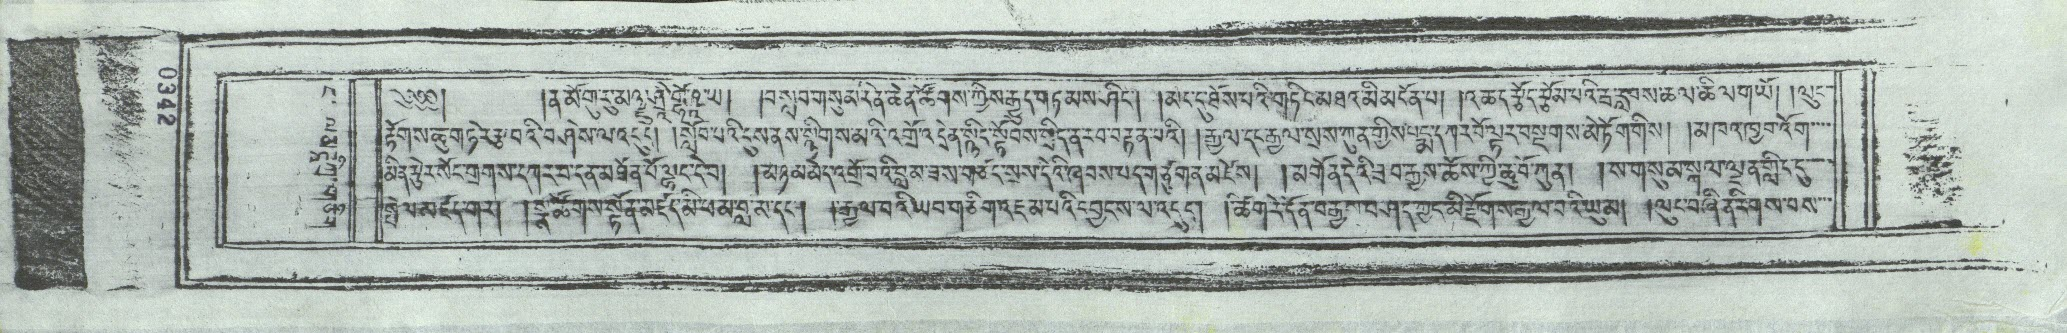༄༅། །ན་མོ་གུ་རུ་མཉྫཱ་གོཧཥ?་ཡ། །བསླབ་གསུམ་རིན་ཆེན་ཚོགས་ཀྱིས་རྒྱུད་གཏམས་ཤིང་། །མང་དུ་ཐོས་པའི་གཏིང་མཐའ་མི་མངོན་པ། །འཆད་རྩོད་རྩོམ་པའི་རྦ་རླབས་ཆལ་ཆིལ་གཡོ། །ལུང་
རྟོགས་ཆུ་གཉེར་རྩ་བའི་བཤེས་ལ་འདུད། །སློབ་པའི་དུས་ནས་སྙིགས་མའི་འགྲོ་དྲེན་སྙིང་སྟོབས་ཕྲེད་ན་རབ་བརྟེན་པའི། །རྒྱལ་དང་རྒྱལ་སྲས་ཀུན་ཀྱི་པདམ་དཀར་བོ་ལྟར་བསྔགས་མེ་ཏོག་གིས། །མཁས་ཁྱབ་འོག་
མིན་རྩེར་སོང་གྲགས་དཀར་བ་དན་མཐོན་པོ་ལྷང་དེ་བ། །མཉམ་མེད་འགྲོ་བའི་བླ་མ་ཟས་གཙང་སྲས་དེའི་ཞབས་ལ་ད་གཙུག་ན་མཛེས། །མགོན་དེའི་ཟབ་རྒྱས་ཆོས་ཀྱི་ཆུ་བོ་ཀུན། །ས་གསུམ་སྐལ་ལྡན་གླིང་དུ་
སྤེལ་མཛད་གར། །སྣ་ཚོགས་སྟོན་མཛད་མི་ཕ་མ་བླ་མ་དང་། །རྒྱལ་བའི་ཡབ་གཅིག་འཇམ་པའི་དབྱངས་ལ་འདུང་། །ཚག་རེ་དོན་བརྒྱ་བཤད་ཀྱང་མི་རྫོགས་རྒྱལ་བའི་མུས། །ལུང་བཞིན་རིགས་པས་